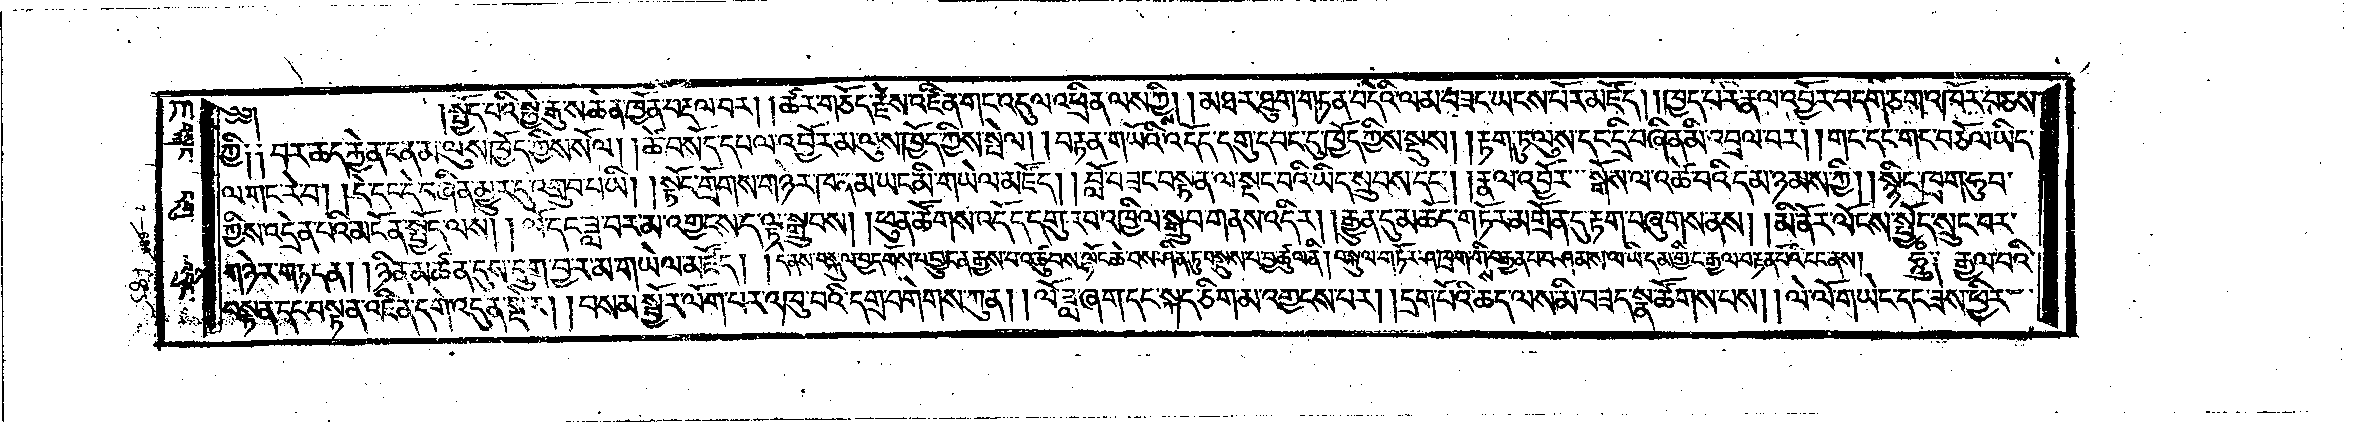༄༅། །སྤྱོད་པའི་སྐྱེ་རྒྱུ་ས་ཆེན་ཁྱོན་བརྟལ་བར། །ཚར་གྖོད་རྗེས་འཛིན་གང་འདུལ་འཕྲིན་ལས་ཀྱི། །མཐར་ཐུག་གཏན་བདེའི་ལམ་བཟང་ཡང་སྤོར་མཛོད། །ཁྱད་པར་འབྱོར་བདག་ཅག་འཁོར་བཅས་
ཀྱི༑ ༑བར་ཆད་རྐྱེན་ངན་མ་ལུས་ཁྱོད་ཀྱི་གསོལ། །ཚེ་བསོད་དཔལ་འབྱོར་མ་ལུས་ཁྱོད་ཀྱིས་སྤེལ། །བརྟན་གཡོའི་འདོད་དགུ་དབང་དུ་ཁྱོད་ཀྱིས་སྡུས། །རྟག་ཏུ་ལུས་དང་དི་བཞིན་མི་འབྲལ་བར། །གང་དང་གང་བཅོལ་ཡིད་
ལ་གང་རེ་བ། །དེ་དང་དེ་བཞིན་མྱུད་དུ་འགྲུབ་པ་ཡི། །སྟོང་གྲོགས་གཉེར་ཁ་ནམ་ཡང་མི་གཡེལ་མཛོད། །བློ་བཟང་བསྟན་ལ་སྡང་པའི་ཡིད་སྒྲུབ་དང་། །རྣལ་འབྱོར་སློས་ལ་འཚིང་འདི་མ་ཉམས་ཀྱི། །སྙིང་ཁྲག་ཧུ་བ་
ཀྱིས་འདྲེན་པའི་མངོན་སྤྱོད་ལས། །ལོ་དང་ཟླ་བ་རྨ་འགྱེངས་ད་ལྟར་སྒྲུབས། །ཕུན་ཚོགས་འདོད་དགུ་རབ་འྐྱུལ་སྒྲུབ་གནས་འདིར། །རྒྱུན་དུ་མཆོད་ངོ་མགྲོན་དུ་རྟག་བཞུགས་ནས། །མི་ནོར་ལོགས་སྤྱོད་སྲུང་བར་
གཉེར་གཏད་ན། །ཉིན་མཚན་དུས་དྲུག་བྱ་ར་མ་གཡེལ་མཛོད། །དེ་ནས་བསྐུལ་བྱ་དགོས་པ་བྱུང་ན་རྒྱས་བ་འཚུབ་ལྷོང་ཆེ་བས་ཧིན་ཏུ་བསྡུས་པ་བྱ་ཚུལ་ནི། བསྐུལ་གཏོར་འཁྲག་གིས་བརྒྱན་བ་བཤམས་ལ་ཡི་དམ་གྱིས་རྒྱལ་བང་པོའི་ངང་ནས། ཧཱུཾ༑ རྒྱལ་བའི་
བསྟན་དང་བསྟན་འཛིན་དགེ་འདུན་སྔར། །བསམ་སྦྱོར་ལོག་བར་འཁུ་བའི་དགྲ་བགས་སྐུན། །ལོ་ཟླ་ཞག་དང་སྐད་ཅིག་མ་འགྱེངས་པར། །དྲ་པོའི་ཆད་ལས་མི་བཟད་སྣ་ཚོགས། །ལེ་ལོ་གཡང་དང་ལས་ཕྱིར་